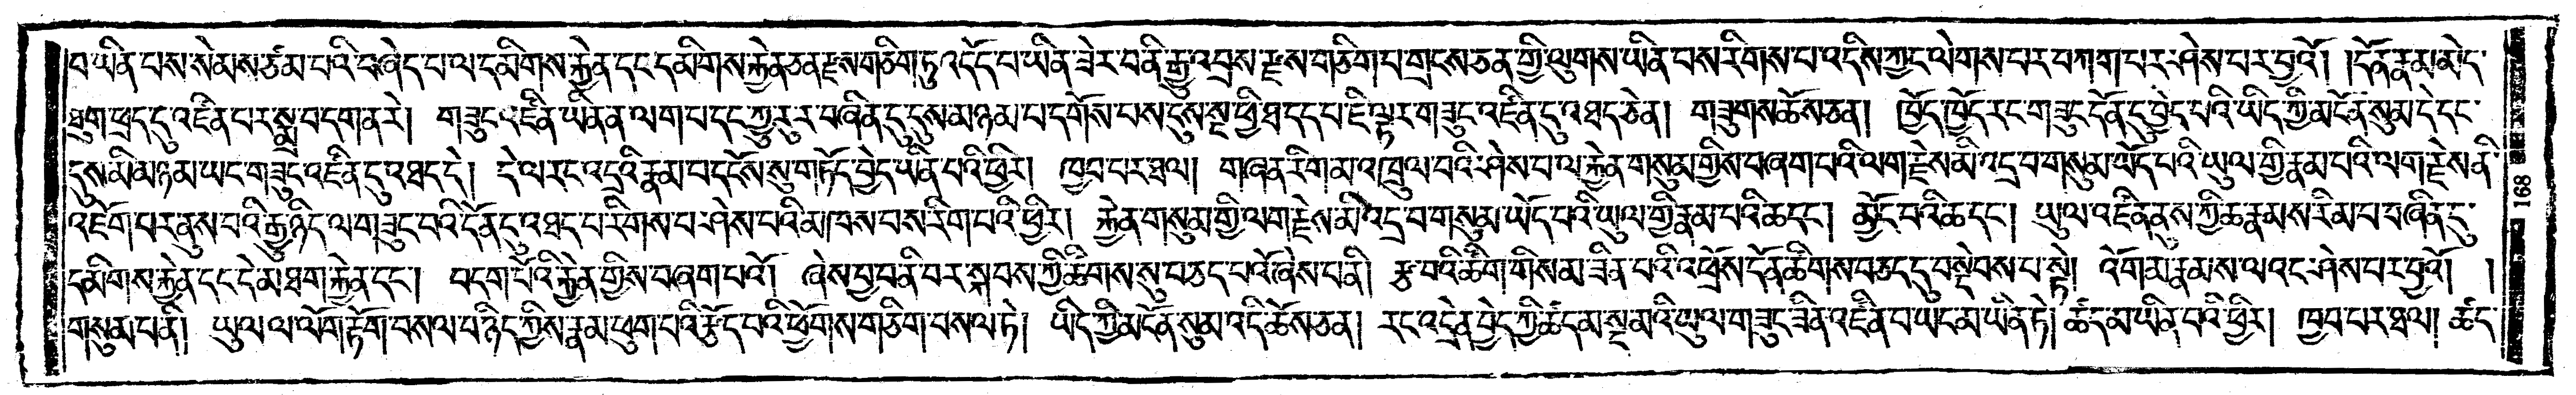བ་ཡིན་པས་སེམས་ཙམ་པའི་བཞེད་པ་ལ་དམིགས་རྐྱེན་དང་དམིགས་རྐྱེན་ཅན་རྫས་གཅིག་ཏུ་འདོད་པ་ཡིན་ཟེར་བ་ནི་རྒྱུ་འབྲས་རྫས་གཅིག་པ་གྲངས་ཅན་གྱི་ལུགས་ཡིན་པས་རིགས་པ་འདིས་ཀྱང་ལེགས་པར་བཀག་པར་ཤེས་པར་བྱའོ། །དོན་རྣམ་མེད་
ཐུག་ཕྲད་དུ་འཛིན་པར་སྨྲ་བ་དག་ན་རེ། གཟུང་འཛིན་ཡིན་ན་ལག་པ་དང་ཀྱུ་རུ་ར་བཞིན་དུ་དུས་མཉམ་པ་དགོས་པས་དུས་སྔ་ཕྱི་ཐ་དད་པ་ཇི་ལྟར་གཟུང་འཛིན་དུ་འཐད་ཅེ་ན། གཟུགས་ཆོས་ཅན། ཁྱོད་ཁྱོད་རང་གཟུང་དོན་དུ་བྱེད་པའི་ཡིད་ཀྱི་མངོན་སུམ་དེ་དང་
དུས་མི་མཉམ་ཡང་གཟུང་འཛིན་དུ་འཐད་དེ། དེ་ལ་རང་འདྲའི་རྣམ་པ་དངོས་སུ་གཏོད་བྱེད་ཡིན་པའི་ཕྱིར། ཁྱབ་པར་ཐལ། གཞན་རིག་མ་འཁྲུལ་བའི་ཤེས་པ་ལ་རྐྱེན་གསུམ་གྱིས་བཞག་པའི་ལག་རྗེས་མི་འདྲ་བ་གསུམ་ཡོད་པའི་ཡུལ་གྱི་རྣམ་པའི་ལག་རྗེས་ནི་
འཇོག་པར་ནུས་པའི་རྒྱུ་ཉིད་ལ་གཟུང་བའི་དོན་དུ་འཐད་པ་རིགས་པ་ཤེས་པའི་མཁས་པས་རིག་པའི་ཕྱིར། རྐྱེན་གསུམ་གྱི་ལག་རྗེས་མི་འདྲ་བ་གསུམ་ཡོད་པའི་ཡུལ་གྱི་རྣམ་པའི་ཆ་དང་། མྱོང་བའི་ཆ་དང་། ཡུལ་འཛིན་ནུས་ཀྱི་ཆ་རྣམས་རིམ་པ་བཞིན་དུ་
དམིགས་རྐྱེན་དང་དེ་མ་ཐག་རྐྱེན་དང་། བདག་པོའི་རྐྱེན་གྱིས་བཞག་པའོ། ཞེས་བྱ་བ་ནི་བར་སྐབས་ཀྱི་ཚིགས་སུ་བཅད་པའོ་ཞེས་པ་ནི། རྩ་བའི་ཚིག་གིས་མ་ཟིན་པའི་འཕྲོས་དོན་ཚིགས་བཅད་དུ་བསྡེབས་པ་སྟེ། འོག་མ་རྣམས་ལའང་ཤེས་པར་བྱའོ། །
གསུམ་པ་ནི། ཡུལ་ལ་ལོག་རྟོག་བསལ་བ་ཉིད་ཀྱིས་རྣམ་ཕུག་པའི་རྩོད་པའི་ཕྱོགས་གཅིག་བསལ་ཏེ། ཡིད་ཀྱི་མངོན་སུམ་འདི་ཆོས་ཅན། རང་འདྲེན་བྱེད་ཀྱི་ཚད་མ་སྔ་མའི་ཡུལ་གཟུང་ཟིན་འཛིན་པ་ཡང་མ་ཡིན་ཏེ། ཚད་མ་ཡིན་པའི་ཕྱིར། ཁྱབ་པར་ཐལ། ཚད་